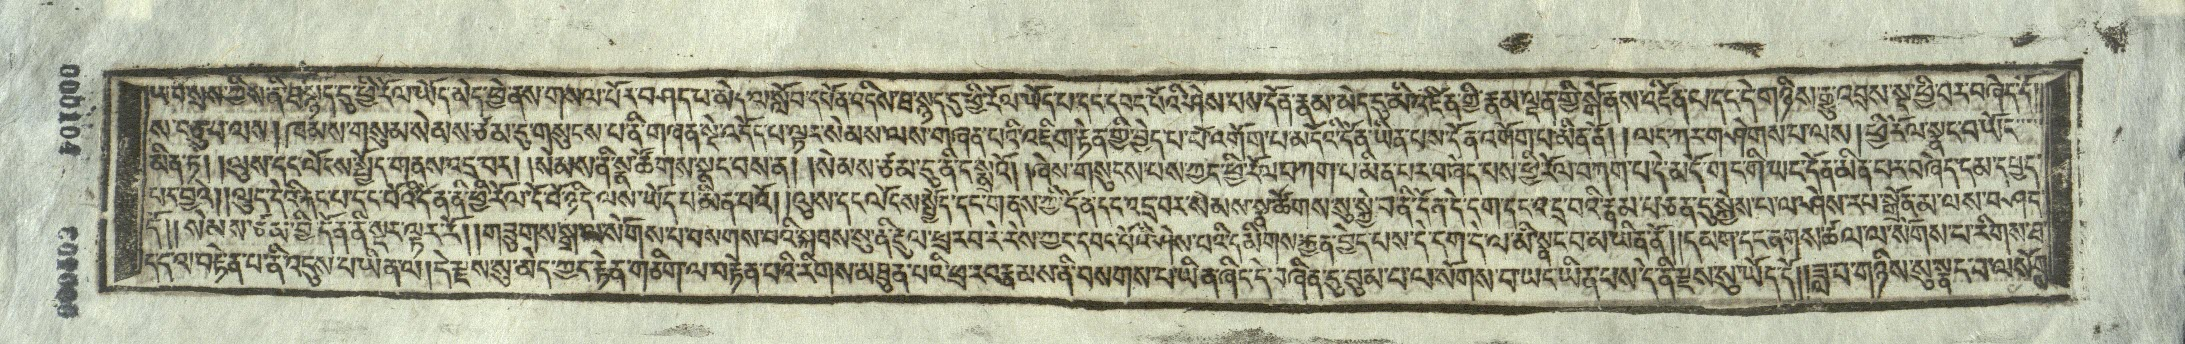ཡབ་སྲས་ཀྱིས་ནི་ཐ་སྙད་དུ་ཕྱི་རོལ་ཡོད་མེད་ཕྱེ་ནས་གསལ་པོར་བཤད་པ་མེད་ལ་སློབ་དཔོན་འདིས་ཐ་སྙད་དུ་ཕྱི་རོལ་ཡོད་པ་དང་དབང་པོའི་ཤེས་པས་དོན་རྣམ་མེད་དུ་མི་འཛིན་གྱི་རྣམ་ལྡན་གྱི་སྒོ་ནས་འཛིན་ལ་དང་དེ་གཉིས་རྒྱུ་འབྲས་སྔ་ཕྱི་བར་བཞེད་དོ།།
ས་བཅུ་པ་ལས། ཁམས་གསུམ་སེམས་ཙམ་དུ་གསུངས་པ་ནི་གཞན་སྡེ་འདོད་པ་ལྟར་སེམས་ལས་གཞན་པའི་འཇིག་རྟེན་གྱི་བྱེད་པ་པོ་འགོག་པ་མདོའི་དོན་ཡིན་པས་དོན་འགོག་པ་མིན་ནོ། །ལང་ཀར་གཤེགས་པ་ལས། ཕྱི་རོལ་སྣང་བ་ཡོད་
མིན་ཏེ། །ལུས་དང་ལོངས་སྤྱོད་གནས་འདྲ་བར། །སེམས་ནི་སྣ་ཚོགས་སྣང་བས་ན། །སེམས་ཙམ་དུ་ནི་ང་སྨྲའོ། །ཞེས་གསུངས་པས་ཀྱང་ཕྱི་རོལ་བཀག་པ་མིན་པར་བཞེད་པས་ཕྱི་རོལ་བཀག་པ་དེ་མདོ་གང་གི་ཡང་དོན་མིན་པར་བཞེད་དམ་དཔྱད་
པར་བྱའོ། །ལུང་དེའི་རྐང་པ་དང་པོའི་དོན་ནི་ཕྱི་རོལ་ངོ་བོ་ཉིད་ལས་ཡོད་པ་མིན་པའོ། །ལུས་དང་ལོངས་སྤྱོད་དང་གནས་ཀྱི་དོན་དང་འདྲ་བར་སེམས་སྣ་ཚོགས་སུ་སྐྱེ་བ་ནི་དོན་དེ་དག་དང་འདྲ་བའི་རྣམ་པ་ཅན་དུ་སྐྱེས་པ་ལ་ཤེས་རབ་སྒྲོན་མ་ལས་བཤད་
དོ༑ སེམས་ཙམ་གྱི་དོན་ནི་སྔར་ལྟར་རོ། །གཟུགས་སྒྲ་ལ་སེགས་པ་བསགས་པའི་སྐབས་སུ་ནི་རྡུལ་ཕྲ་རབ་རེ་རེས་ཀྱང་དབང་པོའི་ཤེས་པའི་དམིགས་རྐྱེན་བྱེད་པས་དེ་དག་དེ་ལ་མི་སྣང་བ་མ་ཡིན་ནོ། །དམག་དང་ནགས་ཆེལ་ལ་སོགས་པ་རིགས་ཐ་
དད་ལ་བརྟེན་པ་ནི་འདུས་པ་ཡིན་ལ། དེ་རྫས་སུ་མེད་ཀྱང་རྟེན་གཅིག་ལ་བརྟེན་པའི་རིགས་མཐུན་པའི་ཕྲ་རབ་རྣམས་ནི་བསགས་པ་ཡིན་ཞིང་དེ་བཞིན་དུ་བུམ་པ་ལ་སོགས་པ་ཡང་ཡིན་པས་དེ་ནི་རྫས་སུ་ཡོད་དོ། །ཟླ་བ་གཉིས་སུ་སྣང་བ་ལ་སོགས་